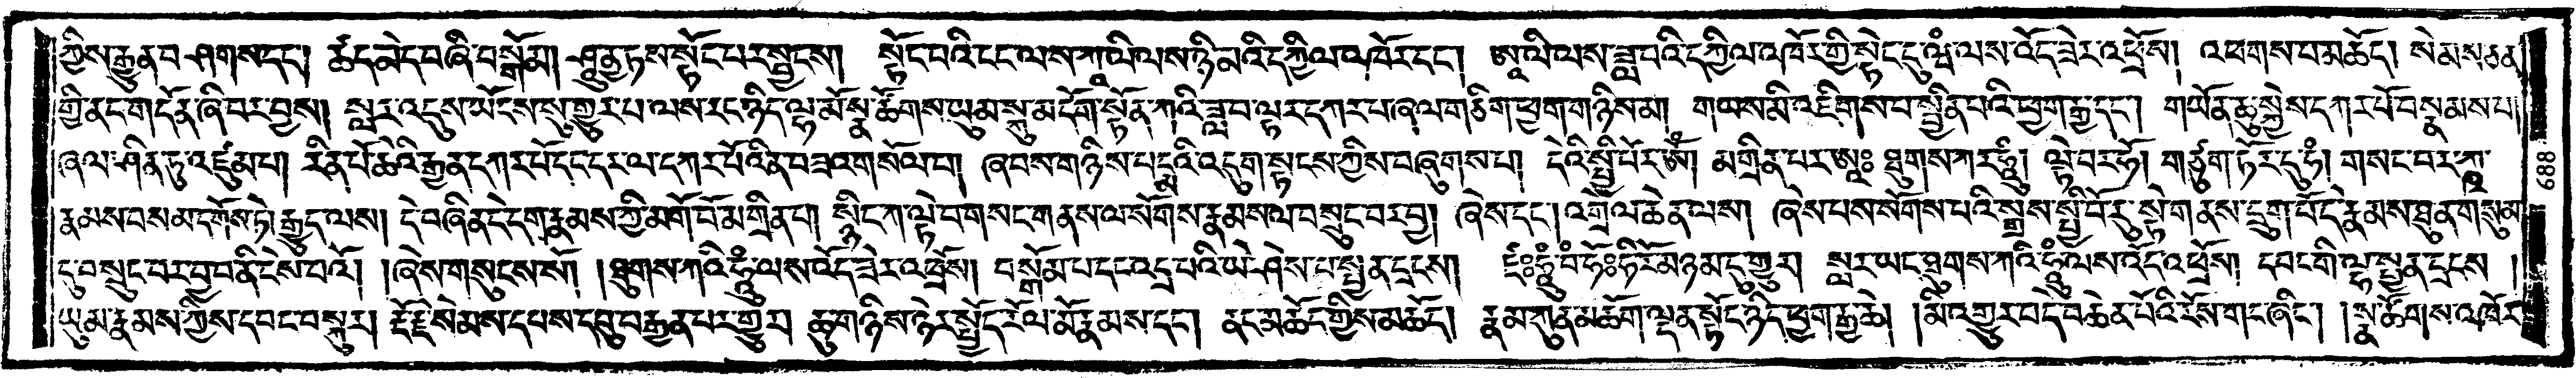ཀྱིས་རྒྱུན་བཤགས་དང་། ཚད་མེད་བཞི་བསྒོམ། ཤཱུ་ནྱ་ཚྶས་སྟོང་པར་སྦྱངས། སྟོང་པའི་དང་ལས་ཀཱ་ལི་ལས་ཉི་མའི་དཀྱིལ་འཁོར་དང་། ཨཱ་ལི་ལས་ཟླ་བའི་དཀྱིལ་འཁོར་གྱི་སྟེང་དུ་ཝ་ལས་འོད་ཟེར་འཕྲོས། འཕགས་པ་མཆོད། སེམས་ཅན་
གྱི་ནང་གདོན་ཞི་བར་བྱས། སླར་ཡང་དུས་ཡོངས་སུ་གྱུར་པ་ལས་རང་ཉིད་ལྷ་མོ་སྣ་ཚོགས་ཡུམ་སྐུ་མདོག་སྟོན་ཀའི་ཟླ་བ་ལྟར་དཀར་པ་ཞལ་གཅིག་ཕྱག་གཉིས་མ། གཡས་མི་འཇིགས་པ་སྦྱིན་པའི་ཕྱག་རྒྱ་དང་། གཡོན་ཆུ་སྐྱེས་དཀར་པོ་བསྣམས་པ།
ཞལ་ཤིན་ཏུ་འཛུམ་པ། རིན་པོ་ཆེའི་རྒྱན་དཀར་པོ་??་དཀར་པོ་?་བཞའ་གསོལ་བ། ཞབས་གཉིས་པདམའི་འདུག་སྟངས་ཀྱིས་བཞུགས་པ། དེའི་སྤྱི་བོར་ཨོཾ། མགྲིན་པར་ཨཱཿ ཐུགས་ཀར་ཧཱུཾ། ལྟེ་བར་ཧོ། གཙུག་ཏོར་དུ་ཧཾ། གསང་བར་ཀྵ་
རྣམས་བསམ་དགོས་ཏེ་རྒྱུད་ལས། དེ་བཞིན་དེ་དག་རྣམས་ཀྱི་མགོ་བོ་མགྲིན་པ། ལྟེ་བ་གསང་གནས་?་སོགས་ནམས་ལ་བསྲུང་བར་བྱ། ཞེས་དང་། འགྲོ་ལ་ཆེན་ལས། ཞེས་པས་སོགས་པའི་སྒྲས་སྦྱི་པོ་རུ་སྟེ་གནས་དྲུག་པོ་དེ་རྣམས་ཐུན་གསུམ་
དུ་བསྲུང་པར་བྱ་བ་ནི་ངེས་བའོ། །ཞེས་གསུངས་སོ། །ཐུགས་ཀའི་ཧཱུཾ་ལས་འོད་ཟེར་འཕྲོས། བསྒོམ་པ་དང་འདྲ་པའི་ཡེ་ཤེས་པ་སྤྱན་དྲངས། ཛཿ ཧཱུཾ་བཾ་ཧོ༑ ཧི་རོ་མཉམ་དུ་གྱུར། སླར་ཡང་ཐུགས་ཀའི་ཧཱུཾ་ལས་འོད་འཕྲོས། དབང་གི་ལྷ་སྤྱན་དྲངས།
ཡུམ་རྣམས་ཀྱིས་དབང་བསྐུར། རྡོ་རྗེ་སེམས་དཔས་དབུ་བརྒྱན་པར་གྱུར། ཆུ་གཉིས་ཉེར་སྤྱོད་རོལ་མོ་རྣམས་དང་། ནང་མཆོད་གྱིས་མཆོད། རྣམ་ཀུན་མཆོག་ལྡན་སྟོང་ཉིད་ཕྱག་རྒྱ་ཆེ། །ལི་འགྱུར་བདེ་བ་ཆེན་པོའི་རོས་གང་ཞིང་། །སྣ་ཚོགས་འཁོར་